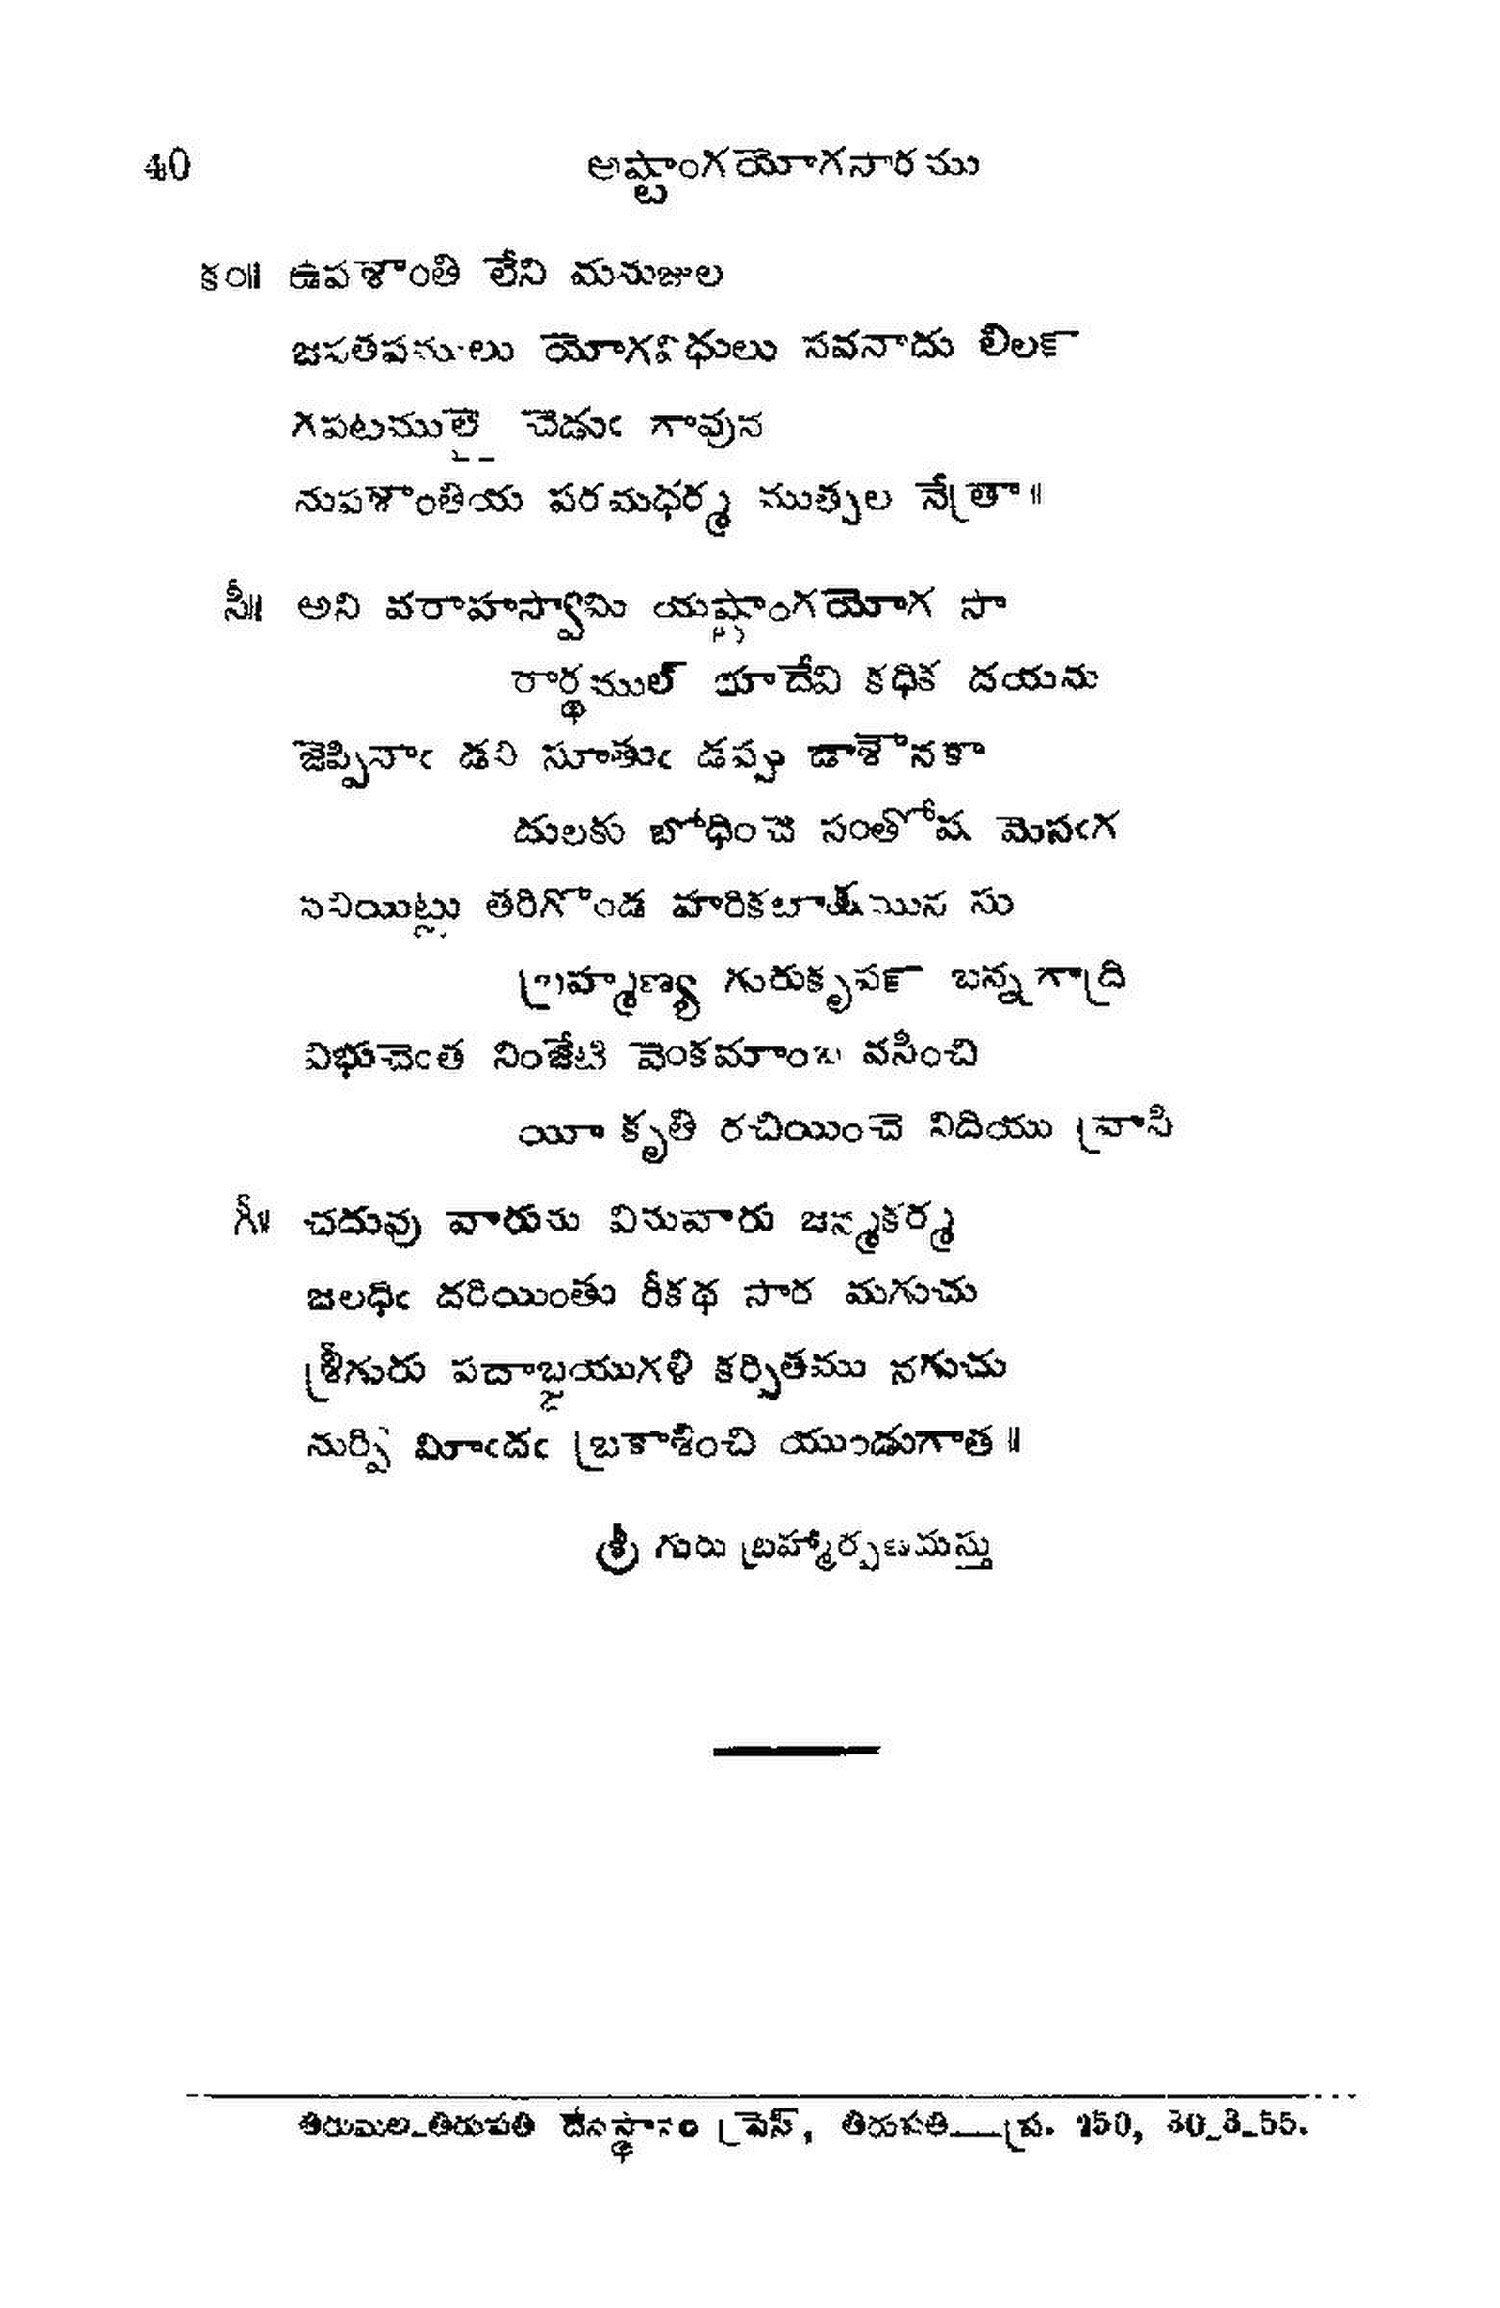క. ఉపశాంతి లేని మనుజుల
 జపతపములు యోగవిధులు సవనాదు లిలన్
 గపటములై చెడుఁ గావున
 నుపశాంతియ పరమధర్మ ముత్పలనేత్రా.
సీ. అని వరాహస్వామి యష్టాంగయోగసా
 రార్థముల్ భూదేవి కధికదయను
 జెప్పినాఁ డని సూతుఁ డప్పు డాశౌనకా
 దులకు బోధించె సంతోష మెసఁగ
 నని యిట్లు తరిగొండ హరికటాక్షమున సు
 బ్రహ్మణ్యగురుకృపన్ బన్నగాద్రి
 విభుచెంత నింజేటి వెంకమాంబ వసించి
 యీ కృతి రచియించె నిదియు వ్రాసి
గీ. చదువువారును వినువారు జన్మకర్మ
 జలధిఁ దరియింతు రీకథ సార మగుచు
 శ్రీగురు పదాబ్జయుగళి కర్పితము నగుచు
 నుర్విమీఁదఁ బ్రకాశించి యుండుగాత.